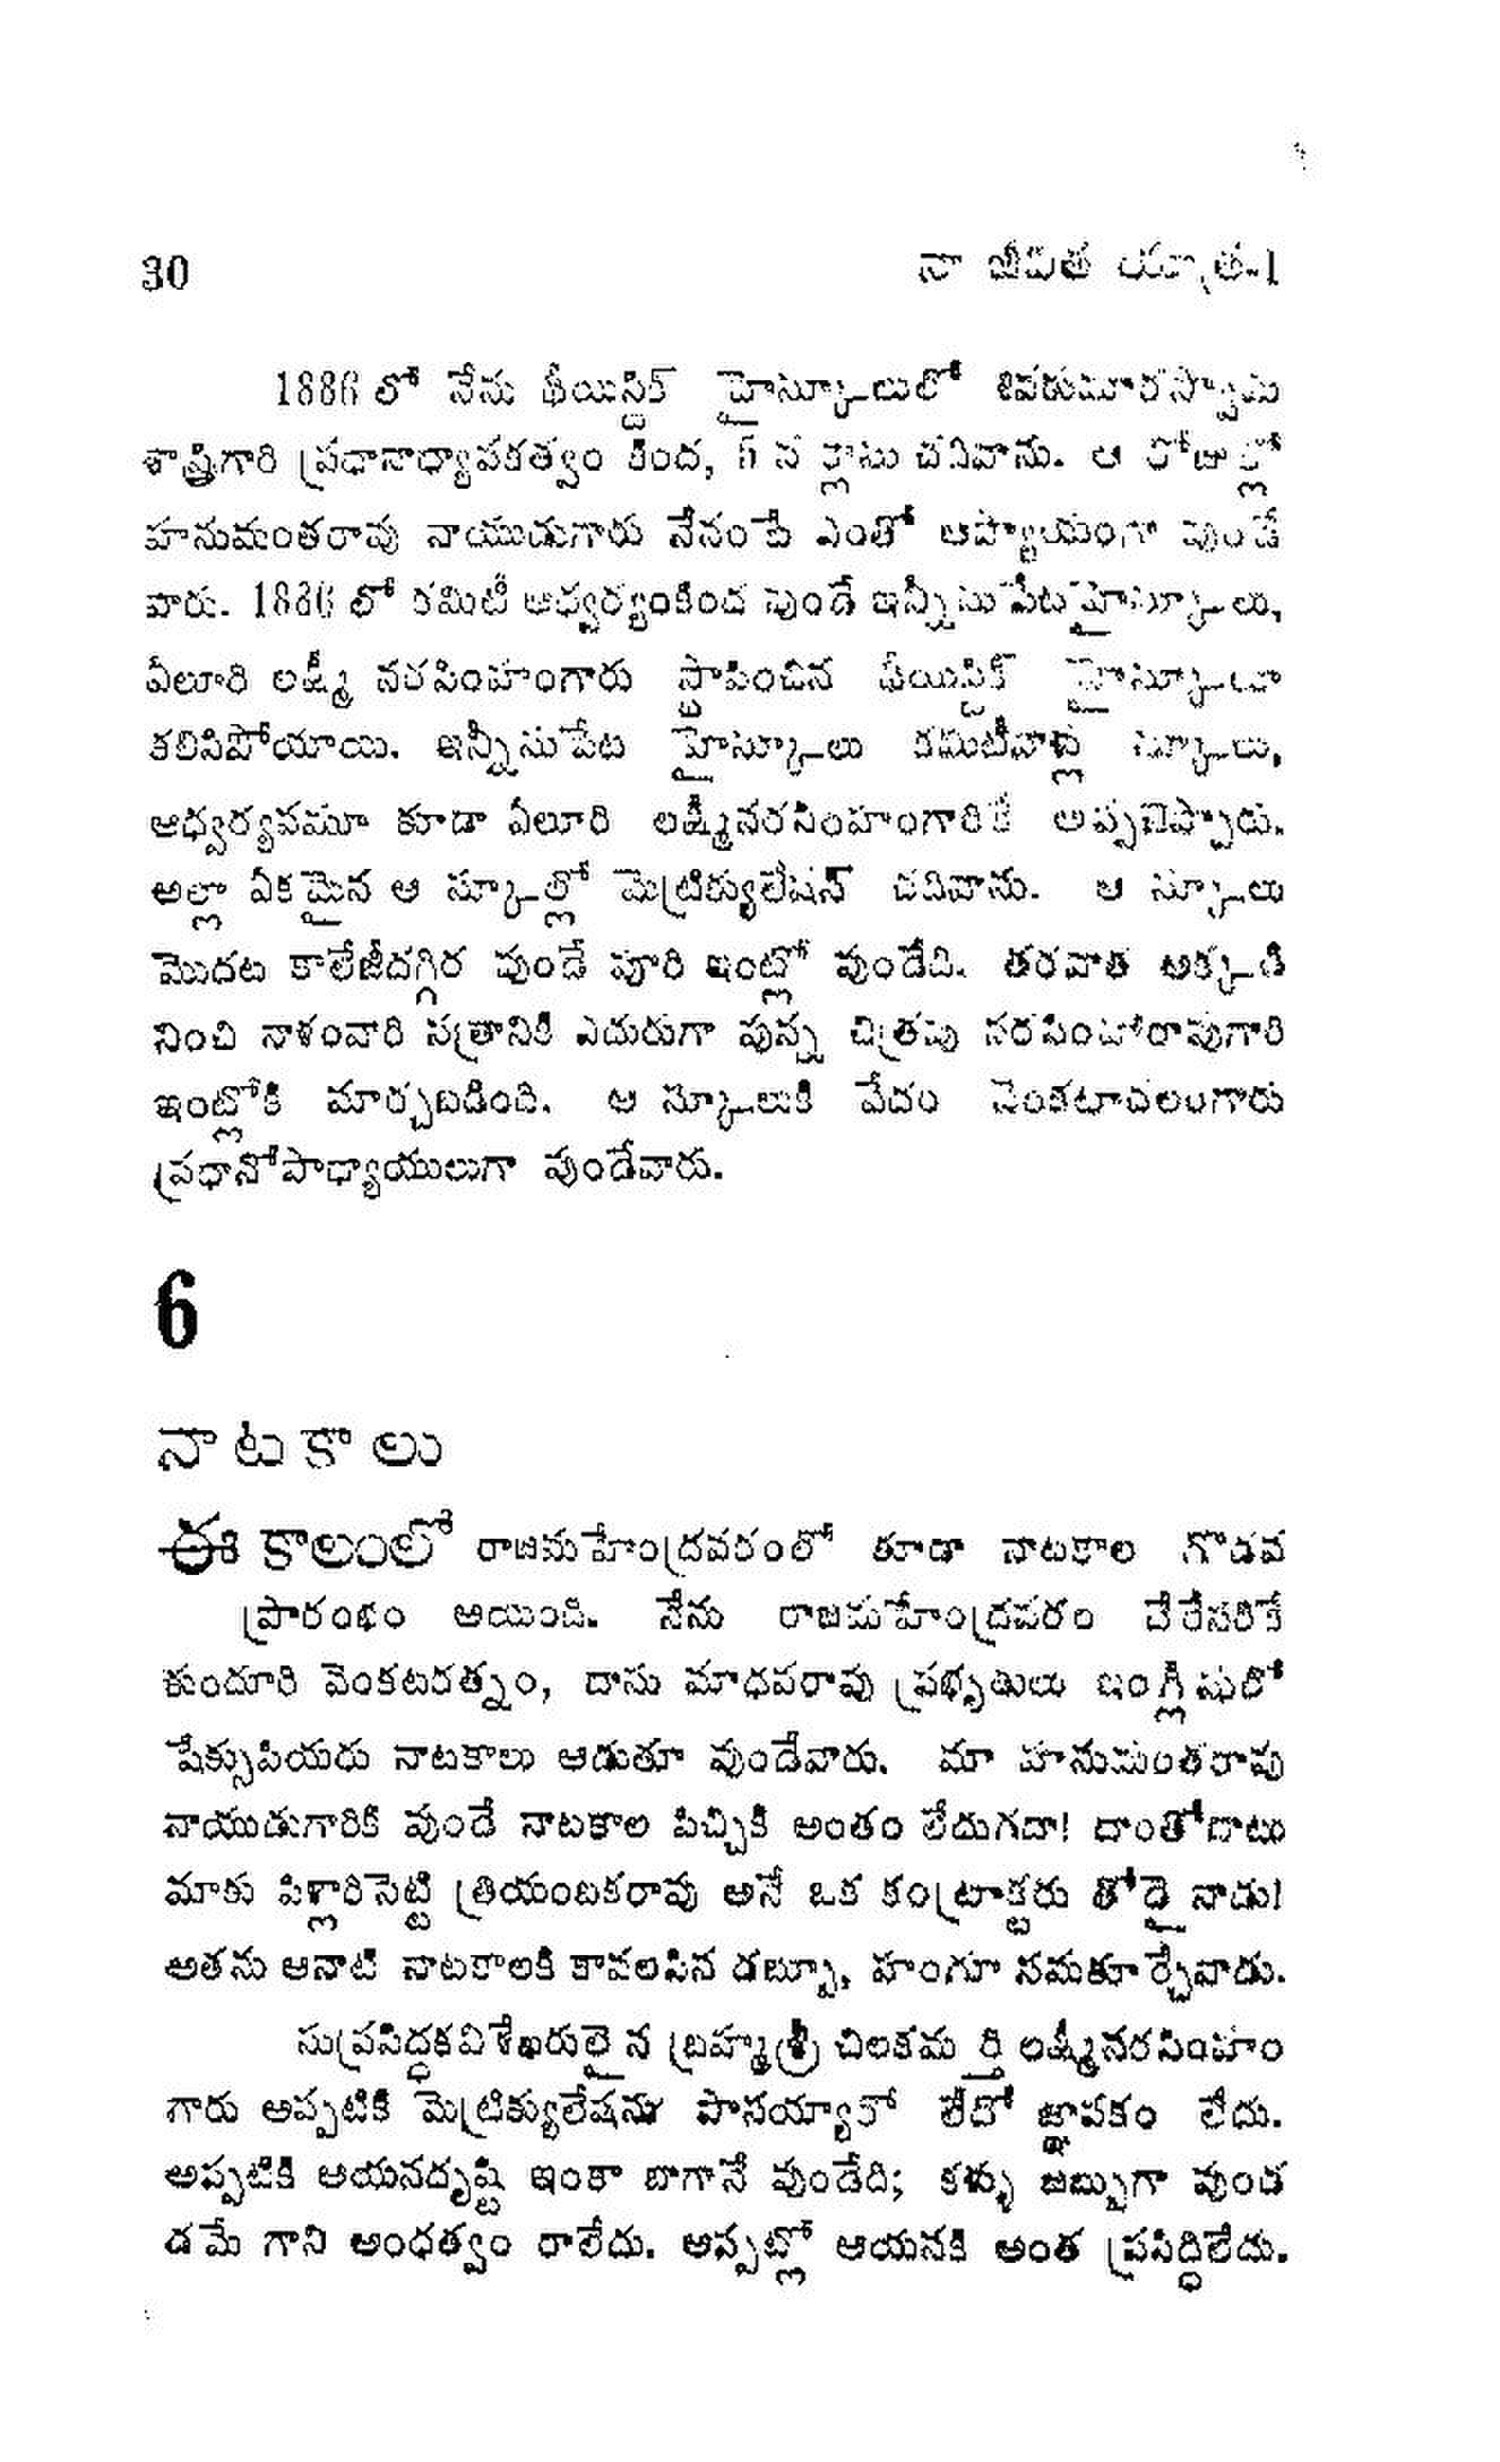1886 లో నేను థీయిస్టిక్ హైస్కూలులో శివకుమారస్వామి శాస్త్రిగారి ప్రధానాధ్యాపకత్వం కింద, 5 వ క్లాసు చదివాను. ఆ రోజుల్లో హనుమంతరావు నాయుడుగారు నేనంటే ఎంతో ఆప్యాయంగా వుండేవారు. 1886 లో కమిటీ ఆధ్వర్యంకింద వుండే ఇన్నీసుపేటహైస్కూలు, ఏలూరి లక్ష్మీ నరసింహంగారు స్థాపించిన థీయిస్టిక్ హైస్కూలూ కలిసిపోయాయి. ఇన్నీసుపేట హైస్కూలు కమిటీవాళ్లు స్కూలు, ఆధ్వర్యవమూ కూడా ఏలూరి లక్ష్మీనరసింహంగారికే అప్పచెప్పారు. అల్లా ఏకమైన ఆ స్కూల్లో మెట్రిక్యులేషన్ చదివాను. ఆ స్కూలు మొదట కాలేజీదగ్గిర వుండే పూరి ఇంట్లో వుండేది. తరవాత అక్కడినించి నాళంవారి సత్రానికి ఎదురుగా వున్న చిత్రపు నరసింహారావుగారి ఇంట్లోకి మార్చబడింది. ఆ స్కూలుకి వేదం వెంకటాచలంగారు ప్రథానోపాధ్యాయులుగా వుండేవారు.

ఈ కాలంలో రాజమహేంద్రవరంలో కూడా నాటకాల గొడవ ప్రారంభం అయింది. నేను రాజమహేంద్రవరం చేరేసరికే కందుకూరి వెంకటరత్నం, దాసు మాధవరావు ప్రభృతులు ఇంగ్లీషులో షేక్సుపియర్ నాటకాలు ఆడుతూ వుండేవారు. మా హనుమంతరావు నాయుడుగారికి వుండే నాటకాల పిచ్చికి అంతం లేదుగదా! దాంతోబాటు మాకు పిళ్లారిసెట్టి త్రయంబకరావు అనే ఒక కంట్రాక్టరు తోడైనాడు! అతను ఆనాటి నాటకాలకి కావలసిన డబ్బూ, హంగూ సమకూర్చేవాడు.

సుప్రసిద్ధకవిశేఖరులైన బ్రహ్మశ్రీ చిలకమర్తి లక్ష్మినరసింహం గారు అప్పటికి మెట్రిక్యులేషను పాసయ్యారో లేదో జ్ఞాపకం లేదు. అప్పటికి ఆయనదృష్టి ఇంకా బాగానే వుండేది; కళ్ళు జబ్బుగా వుండడమే గాని అంధత్వం రాలేదు. అప్పట్లో ఆయనకి అంత ప్రసిద్ధిలేదు.